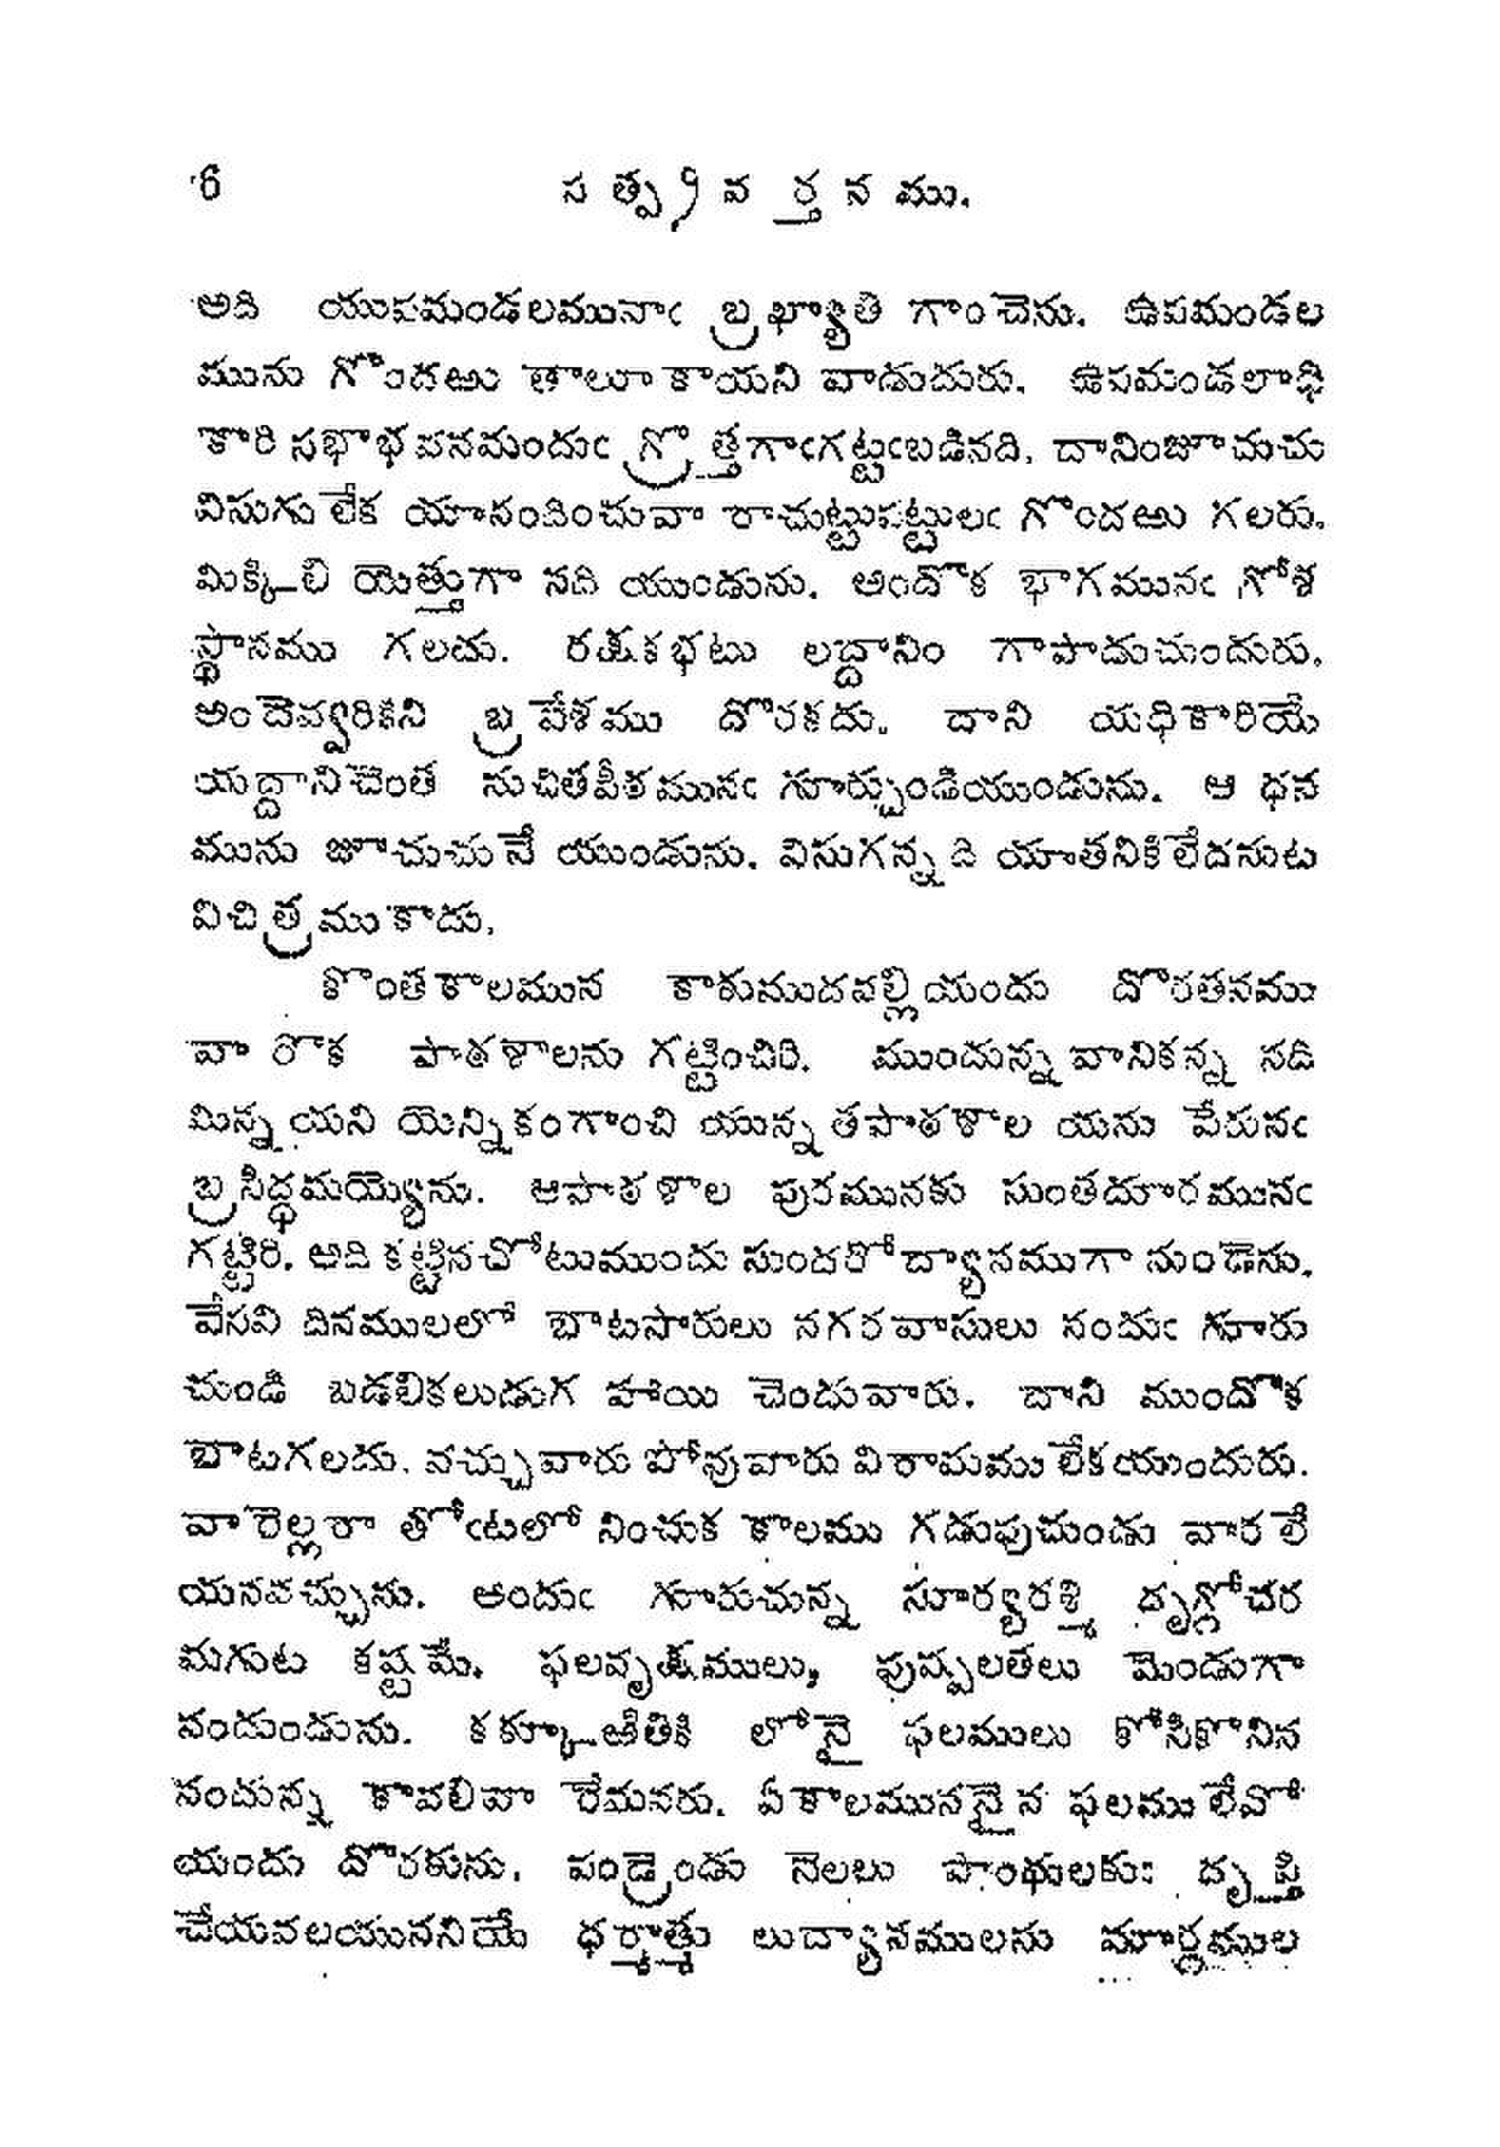అది యుపమండలమున్నా బ్రఖ్యాతి గాంచెను. ఉపమండల మును గొందఱు తాలూకాయని వాడుదురు. ఉపమండలాధి కారి సభాభవనమందుఁ గ్రోత్తగాఁగట్టఁబడినది, దానింజూచుచు విసుగు లేక యానందించువా రాచుట్టుట్టులఁ గొందఱు గలరు. మిక్కిలి యెత్తుగా నది యుండును. అందొక భాగమునఁ గోశ స్థానము గలదు. రక్షకభటు లద్దానం గాపాడుచుందురు. అందెవ్వరికిని బ్రవేశము దొరకదు. దాని యధి కారియే యుద్దాని చెంత నుచిత పీఠమునఁ గూర్చుండియుండును. ఆ ధనమును జూచుచునే యుండును, విసుగన్నది యాతనికి లేదనుట విచిత్రము కాదు,

కొంత కాలమున కారుముదపల్లి యందు దొరతనమువారొక పాఠశాలను గట్టించిరి. ముందున్న వానికన్న సది మిన్న యని యెన్ని కంగాంచి యున్నతపాఠశాల యను పేరునఁ బ్రసిద్ధమయ్యెను. ఆపాఠశాల పురమునకు సుంతదూరమునఁ గట్టిరి. అది కట్టిన చోటుముందు సుందరోద్యానముగా నుండెను. వేసవి దినములలో బాటసారులు నగరవాసులు నందుఁ గూరు చుండి బడలికలుడుగ హాయి చెందువారు. దాని ముందొక బాటగలదు, నచ్చువారు పోవువారు విరామము లేక యుందురు. ' వారెల్ల రా తోటలో నించుక కాలము గడుపుచుండు వారలే యనవచ్చును. అందుఁ గూరుచున్న సూర్యరశ్మి, దృగ్గోచర మగుట కష్టమే. ఫలవృక్షములు, పుష్పలతలు మెండుగా నండుండును. కక్కూఱితికి లోనై ఫలములు కోసికొనిన సందున్న కొవలివారేమనరు. ఏకాలముననైనను ఫలము లేవో యందు దొరకును, పండ్రెండు నెలలు పొంథులకు: ధృప్తి చేయవలయుననియే ధర్మాత్ము లుద్యానములను మార్గముల